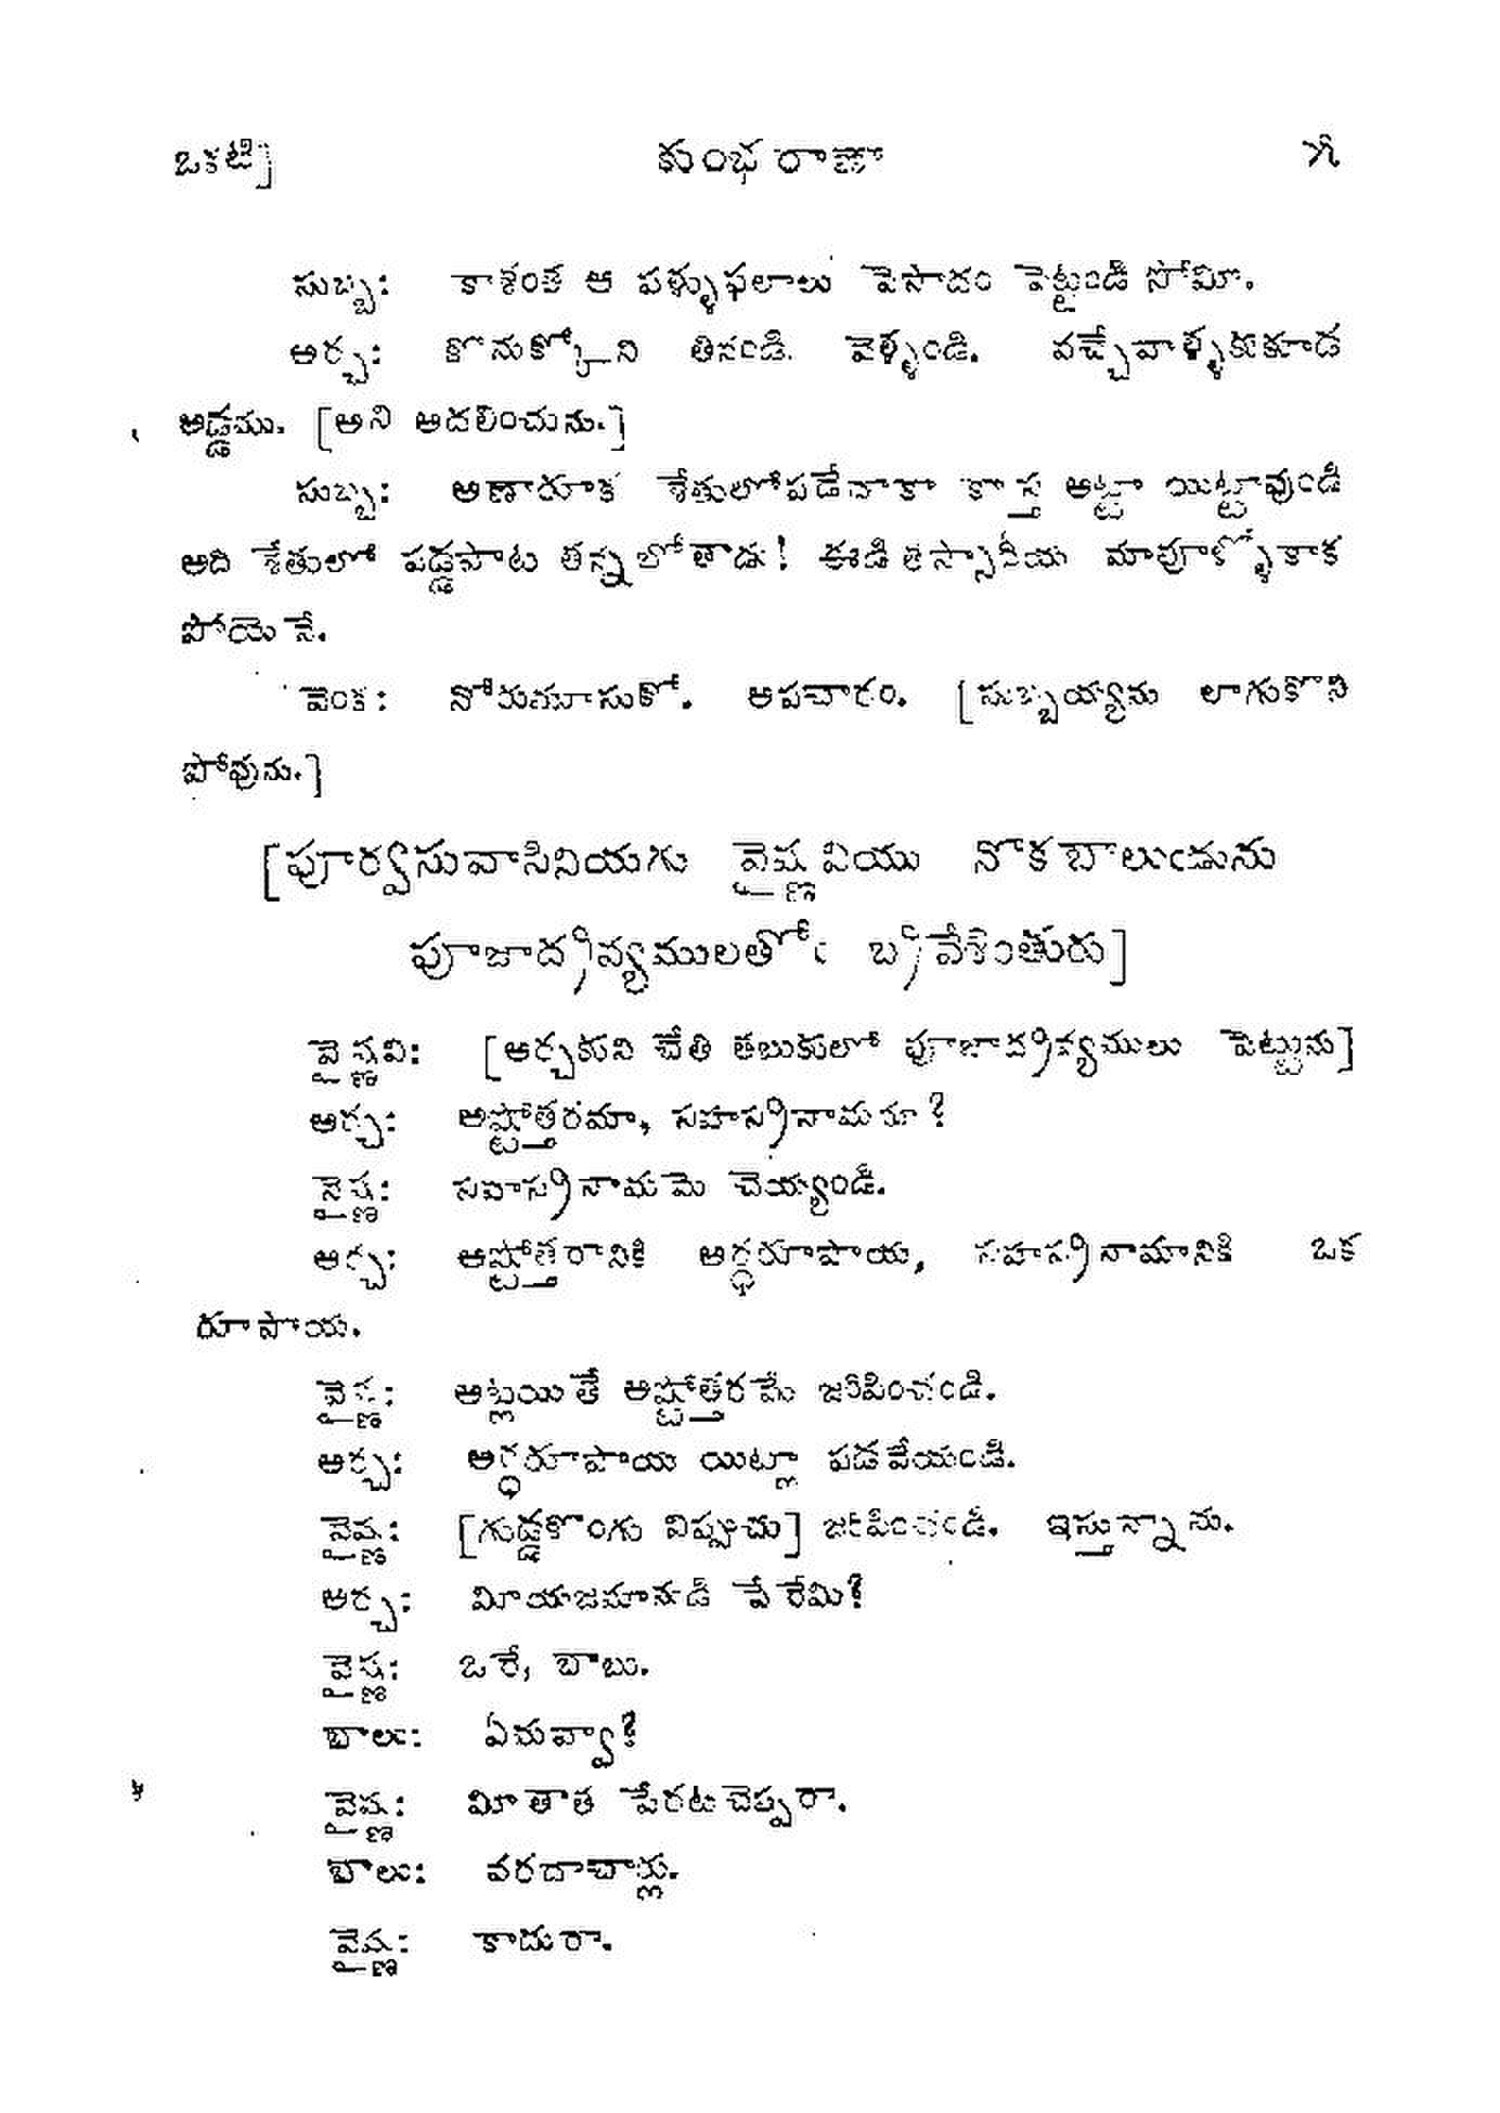సుబ్బ : కాశంత ఆ పళ్ళుఫలాలు పెసాదం పెట్టండి సోమీ.

అర్చ : కొనుక్కోని తినండి వెళ్ళండి. వచ్చేవాళ్ళకుకూడ అడ్డము. [అని అదిలించును.]

సుబ్బ : అణారూక శేతులోపడేదాక కాస్త అట్టా యిట్టావుండి అది శేతులో పడ్డపాట తన్నబోతాడ ! ఈడి తస్సాదియ మావూళ్ళోకాక పోయెనే.

వెంక : నోరుమూసుకో. అపచారం. [సుబ్బయ్యను లాగుకొని పోవును.]

వైష్ణవి : [అర్చకుని చేతి తబుకులో పూజాద్రవ్యములు పెట్టును.]

అర్చ : అష్టోత్తరమా, సహస్రనామమా ?

వైష్ణ : సహస్రనామమె చెయ్యండి.

అర్చ : అష్టోత్తరానికి అర్ధరూపాయి, సహస్రనామానికి ఒక రూపాయి.

వైష్ణ : అట్లయితే అష్టోత్తరమే జరిపించండి.

అర్చ : అర్ధరూపాయ యిట్లా పడవేయండి.

వైష్ణ : [గుడ్డకొంగు విప్పుచు] జపించండి. ఇస్తున్నాను.

అర్చ : మీయజమానుడి పేరేమి?

వైష్ణ : ఒరే, బాబు.

బాలు : ఏమవ్వా ?

వైష్ణ : మీతాత పేరటచెప్పరా.

బాలు : వరదాచార్లు.

వైష్ణ : కాదురా.